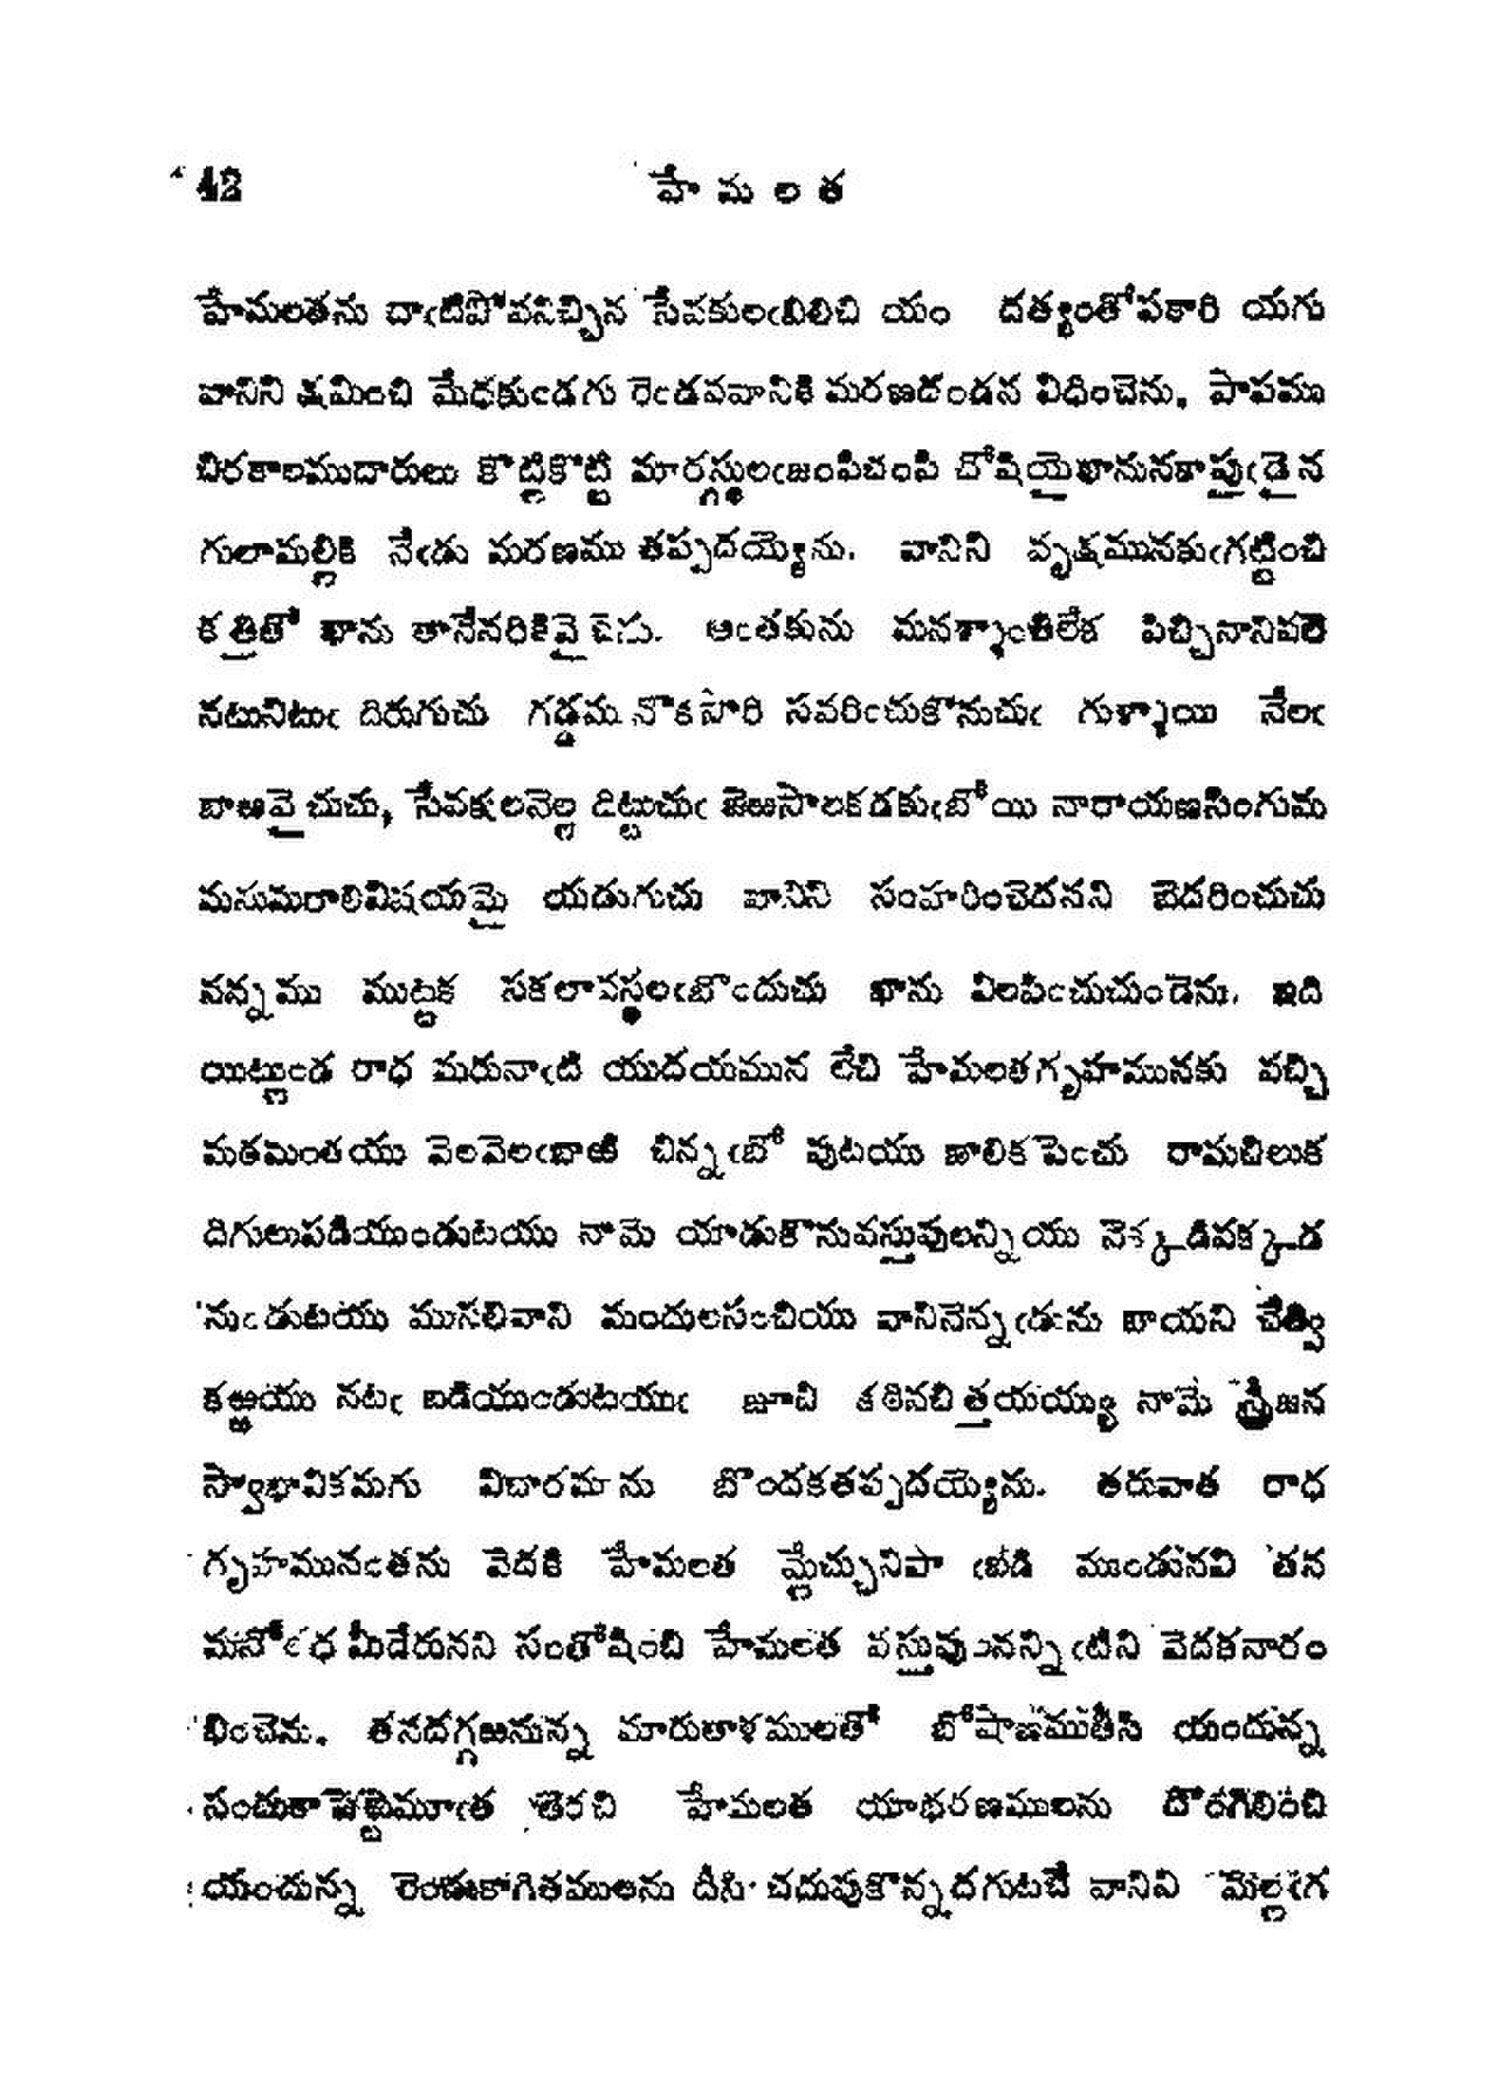హేమలతను దాఁటిపోవనిచ్చిన సేవకులఁబిలిచి యం దత్యంతోపకారి యగు వానిని క్షమించి మేధకుఁడగు రెండవవానికి మరణదండన విధించెను. పాపము చిరకాలముదారులు కొట్టి కొట్టి మార్గస్థులఁజంపిచంపి దోషియైఖానునకాప్తుడైన గులామల్లికి నేఁడు మరణము తప్పదయ్యెను. వానిని వృక్షమునకుఁగట్టించి కత్తితో ఖాను తానేనరికివైచెను. అంతకును మనశ్శాంతిలేక పిచ్చివానివలె నటునిటుఁ దిరుగుచు గడ్డము నొకసారి సవరించుకొనుచుఁ గుళ్ళాయి నేలఁబాఱవైచుచు,సేవకులనెల్ల దిట్టుచుఁ జెఱసాలకడకుఁబోయి నారాయణసింగును మనుమరాలివిషయమై యడుగుచు వానిని సంహరించెదనని బెదరించుచు నన్నము ముట్టక సకలావస్థలఁ బొందుచు ఖాను విలపించుచుండెను. ఇది యిటుండ రాధ మరునాటి యుదయమున లేచి హేమలత గృహమునకు వచ్చి మఠమంతయు వెలవెలఁబాఱి చిన్నఁబో పుటయు బాలిక పెంచు రామచిలుక దిగులుపడియుండుటయు నామె యాడుకొనువస్తువులన్నియు నెక్కడివక్కడ నుఁడుటయు ముసలివాని మందులసంచియు వానినెన్నఁడును బాయని చేతి కఱ్ఱయు నటఁ బడియుండుటయుఁ జూచి కఠినచిత్తయయ్యు నామె స్త్రీజనస్వాభావికమగు విచారమును బొందకతప్పదయ్యెను. తరువాత రాధ గృహమునంతను వెదకి హేమలత మ్లేచ్ఛునిపాలఁబడి ముండునవని తన మనోరథ మీడేరునని సంతోషించి హేమలత వస్తువునన్నింటిని వెదకనారంభించెను. తనదగ్గఱనున్న మారుతాళములతో బోషాణముతీసి యందున్న సందుకాపెట్టెమూత తెరచి హేమలత యాభరణములను దొంగిలించి యందున్న రెండు కాగితములను దీసి చదువుకొన్నదగుటచే వానిని మెల్లఁగ